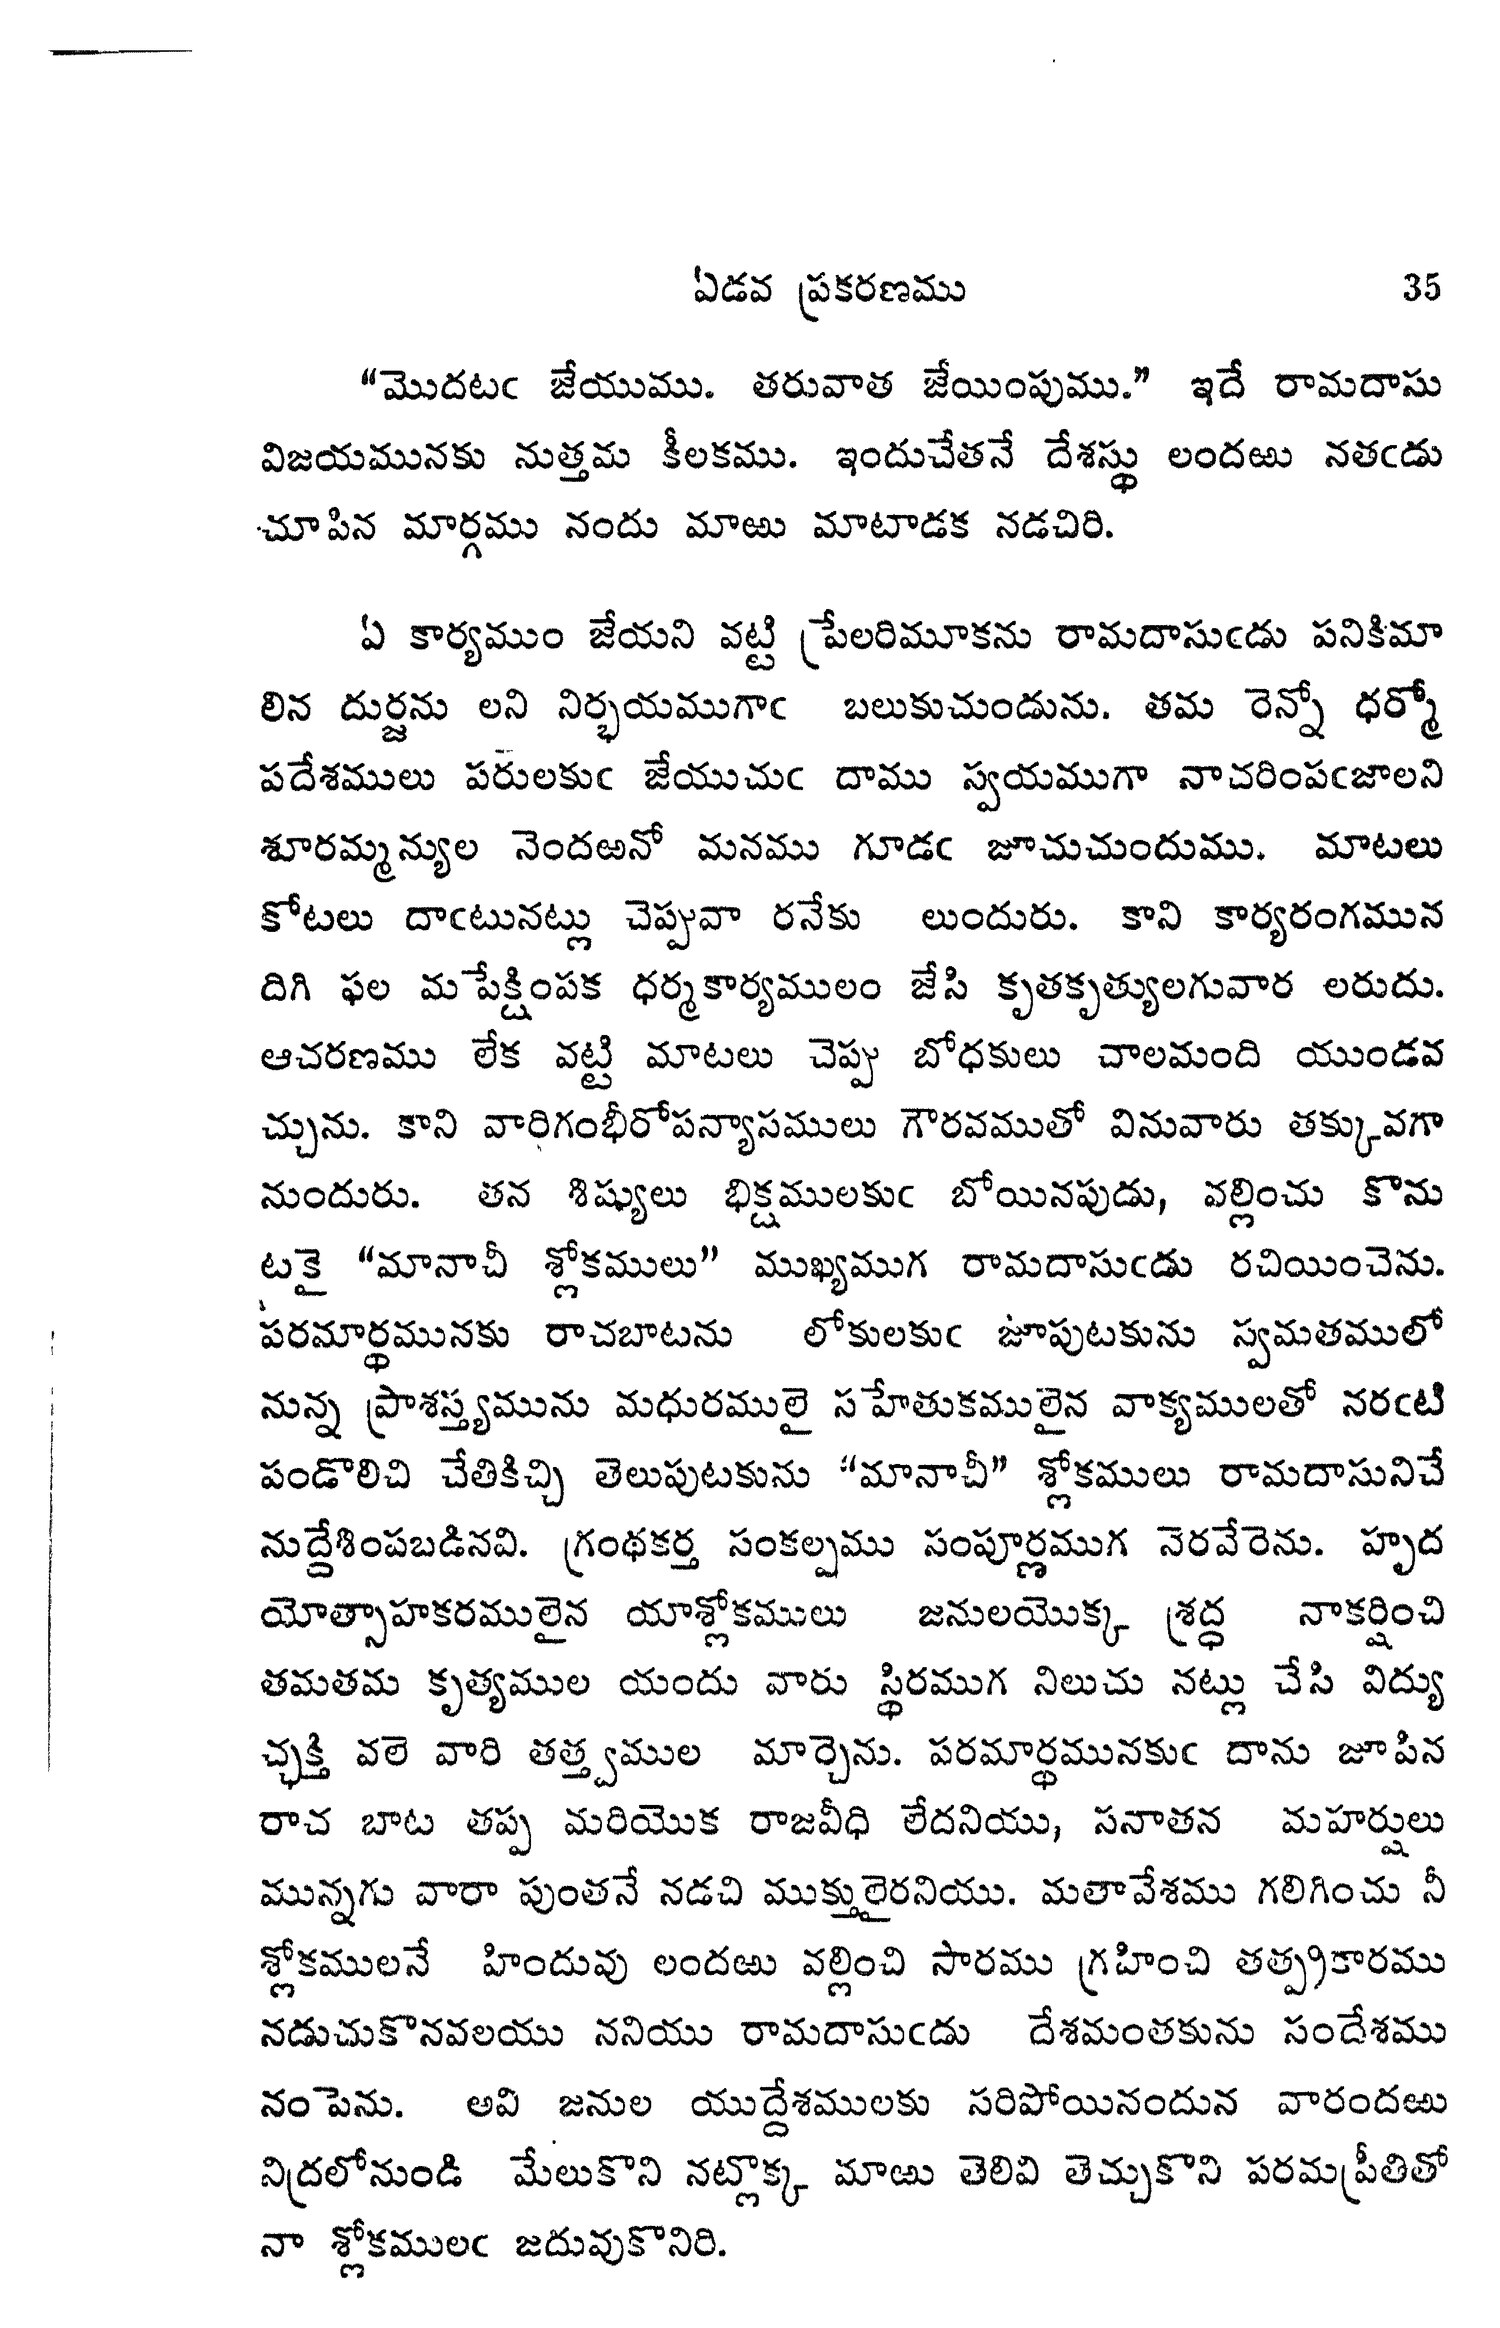"మొదట జేయుము. తరువాత జేయింపుము." ఇదే రామదాసు విజయమునకు నుత్తమ కీలకము. ఇందుచేతనే దేశస్థు లందఱు నతడు చూపిన మార్గము నందు మాఱు మాటాడక నడచిరి.

ఏ కార్యముం జేయని వట్టి ప్రేలరిమూకను రామదాసుడు పనికిమాలిన దుర్జను లని నిర్భయముగా బలుకుచుండును. తమ రెన్నో ధర్మోపదేశములు పరులకు జేయుచు దాము స్వయముగా నాచరింపజాలని శూరమ్మన్యుల నెందఱనో మనము గూడ జూచుచుందుము. మాటలు కోటలు దాటునట్లు చప్పువా రనేకు లుందురు. కాని కార్యరంగమున దిగి ఫల మపేక్షింపక ధర్మకార్యములం జేసి కృతకృత్యులగువార లరుదు. ఆచరణము లేక వట్టి మాటలు చెప్పు బోధకులు చాలమంది యుండవచ్చును. కాని వారిగంభీరోపన్యాసములు గౌరవముతో వినువారు తక్కువగా నుందురు. తన శిష్యులు భిక్షములకు బోయినప్పుడు, వల్లించు కొనుటకై "మానాచీ శ్లోకములు" ముఖ్యముగ రామదాసుడు రచియించెను. పరమార్థమునకు రాచబాటను లోకులకు జూపుటకును స్వమతములో నున్న ప్రాశస్త్యమును మధురములై సహేతుకములైన వాక్యములతో నరటి పండొలిచి చేతికిచ్చి తెలుపుటకును "మానాచీ" శ్లోకములు రామదాసునిచే నుద్దేశింపబడినవి. గ్రంథకర్త సంకల్పము సంపూర్ణముగ నెరవేరెను. హృదయోత్సాహకరములైన యాశ్లోకములు జనులయొక్క శ్రద్ధ నాకర్షించి తమతమ కృత్యముల యందు వారు స్థిరముగ నిలుచు నట్లు చేసి విద్యుచ్చక్తి వలె వారి తత్త్వముల మార్చెను. పరమార్థమునకు దాను జూపిన రాచ బాట తప్ప మరియొక రాజవీధి లేదనియు, సనాతన మహర్షులు మున్నగు వారా పుంతనే నడచి ముక్తులైరనియు, మతావేశము గలిగించు నీశ్లోకములనే హిందువు లందఱు వల్లించి సారము గ్రహించి తత్ప్రకారము నడుచుకొనవలయు ననియు రామదాసుడు దేశమంతకును సందేశము నంపెను. అవి జనుల యుద్దేశములకు సరిపోయినందున వారందఱు నిద్రలోనుండి మేలుకొని నట్లొక్క మాఱు తెలివి తెచ్చుకొని పరమప్రీతితో నా శ్లోకముల జదువుకొనిరి.